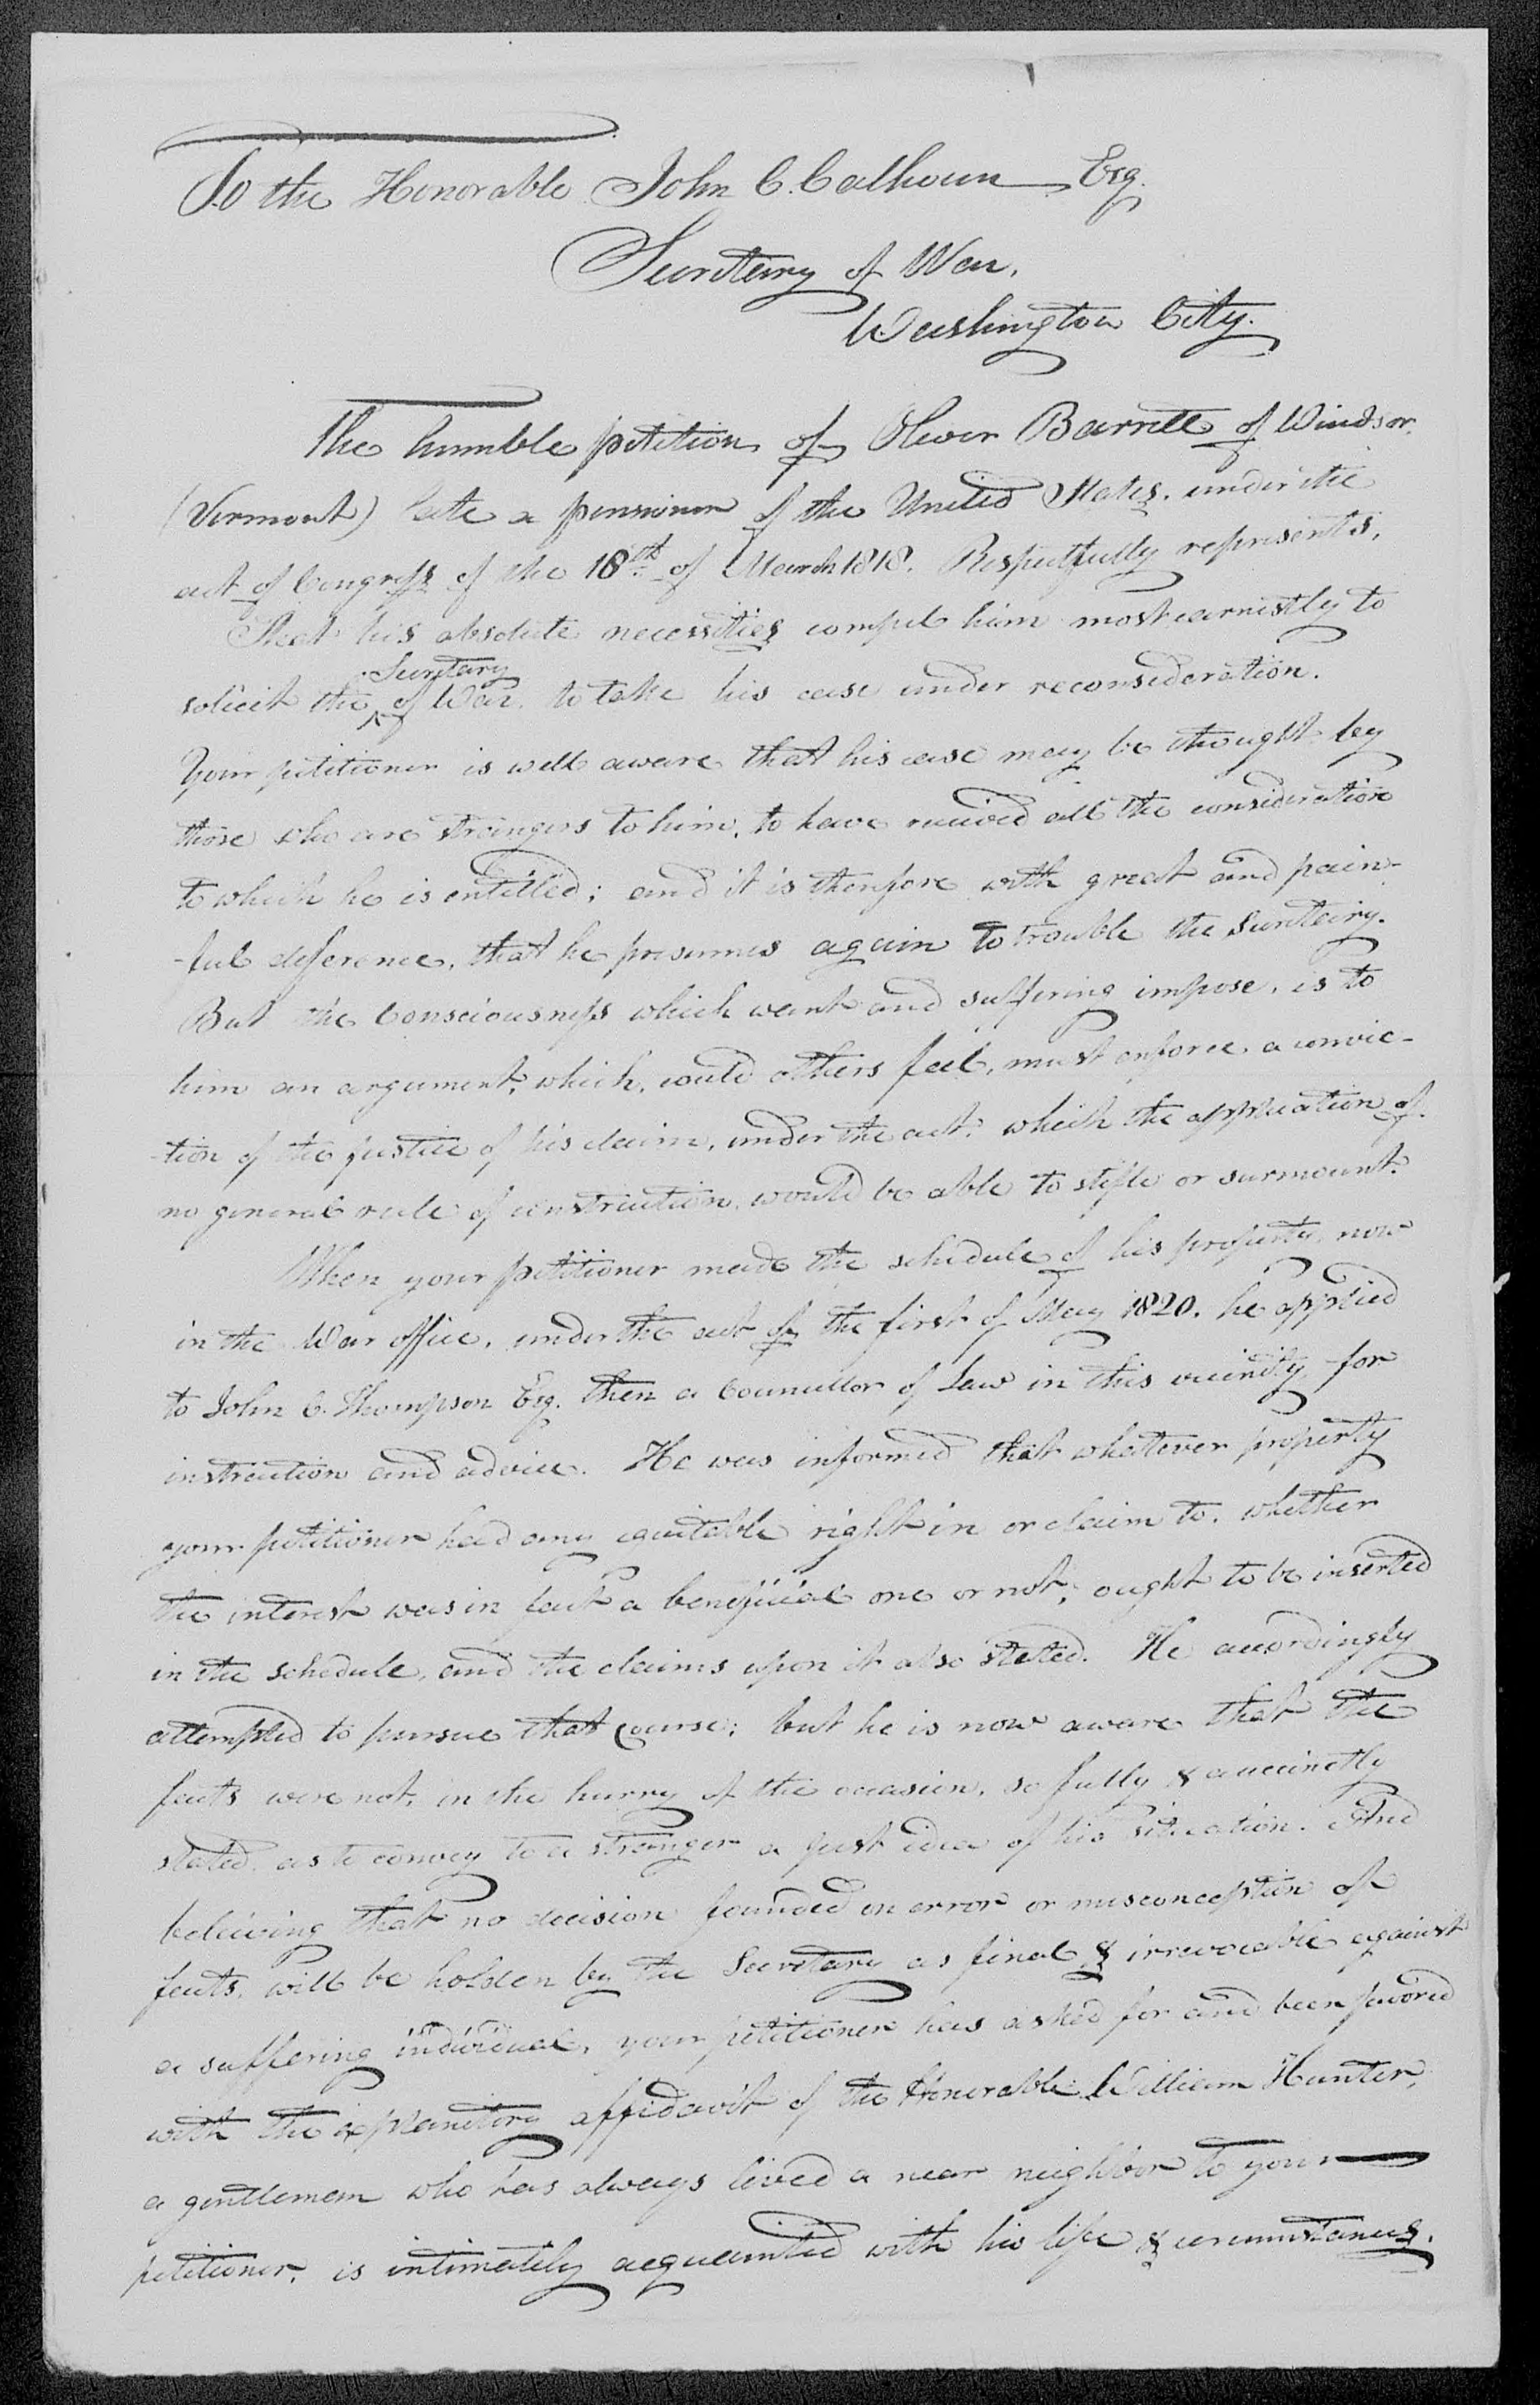To the Honorable John C. Calhoun Esq. 
Secretary of War
Washington City

The humble position of Oliver Barrett of Windsor (Vermont) late a pensioner of the United States under the act of Congress of the 18th of March 1818 Respectfully represents that his absolute necessities comfort him most earnestly to solicit the Secretary of War to take his case under reconsideration. Your petitioner is well aware that his case may be thought by those who are strangers to him to have received all the consideration to which he is entitled; and it is therefore with great and painful deference that he presumes again to trouble the Secretary. But the consciousness which went and suffering impose is to him an argument which would others feel most enforce a conviction of the Justice of his decision under the oath which the application of no general rule of instruction would be able to stifle or surmount. 
When your petitioner made the schedule of his property now in the war office, under the act of the first of May 1820, he applied to John C Thompson Esq. then a counsellor of Law in this vicinity for instruction and advice. He was informed that whatever property your petitioner had any cautionable right in or claim to whether the interest was in fact a beneficial one or not, ought to be inserted in the schedule, and the claims when it also stated. He accordingly attempted to pursue that course, but he is now aware that the facts were not in the hurry of the occasion so fully and distinctly stated as to convey to a stranger a just view of his situation. And believes that no decision founded on error or misconception of  facts will be holden by the Secretary as find irreversible against a suffering individual, your petitioner has asked for and been favored with the explanatory affidavit of the Honorable William Hunter a gentleman who has always lived a near neighbor to your petitioner, is intimately acquainted with his life circumstances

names: John C Thompson, John C Calhoun, Oliver Barrett, William Hunter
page: 33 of 83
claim: widow's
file: W. 10,384, Oliver Barrett, Continental (Vt.) N.Y.